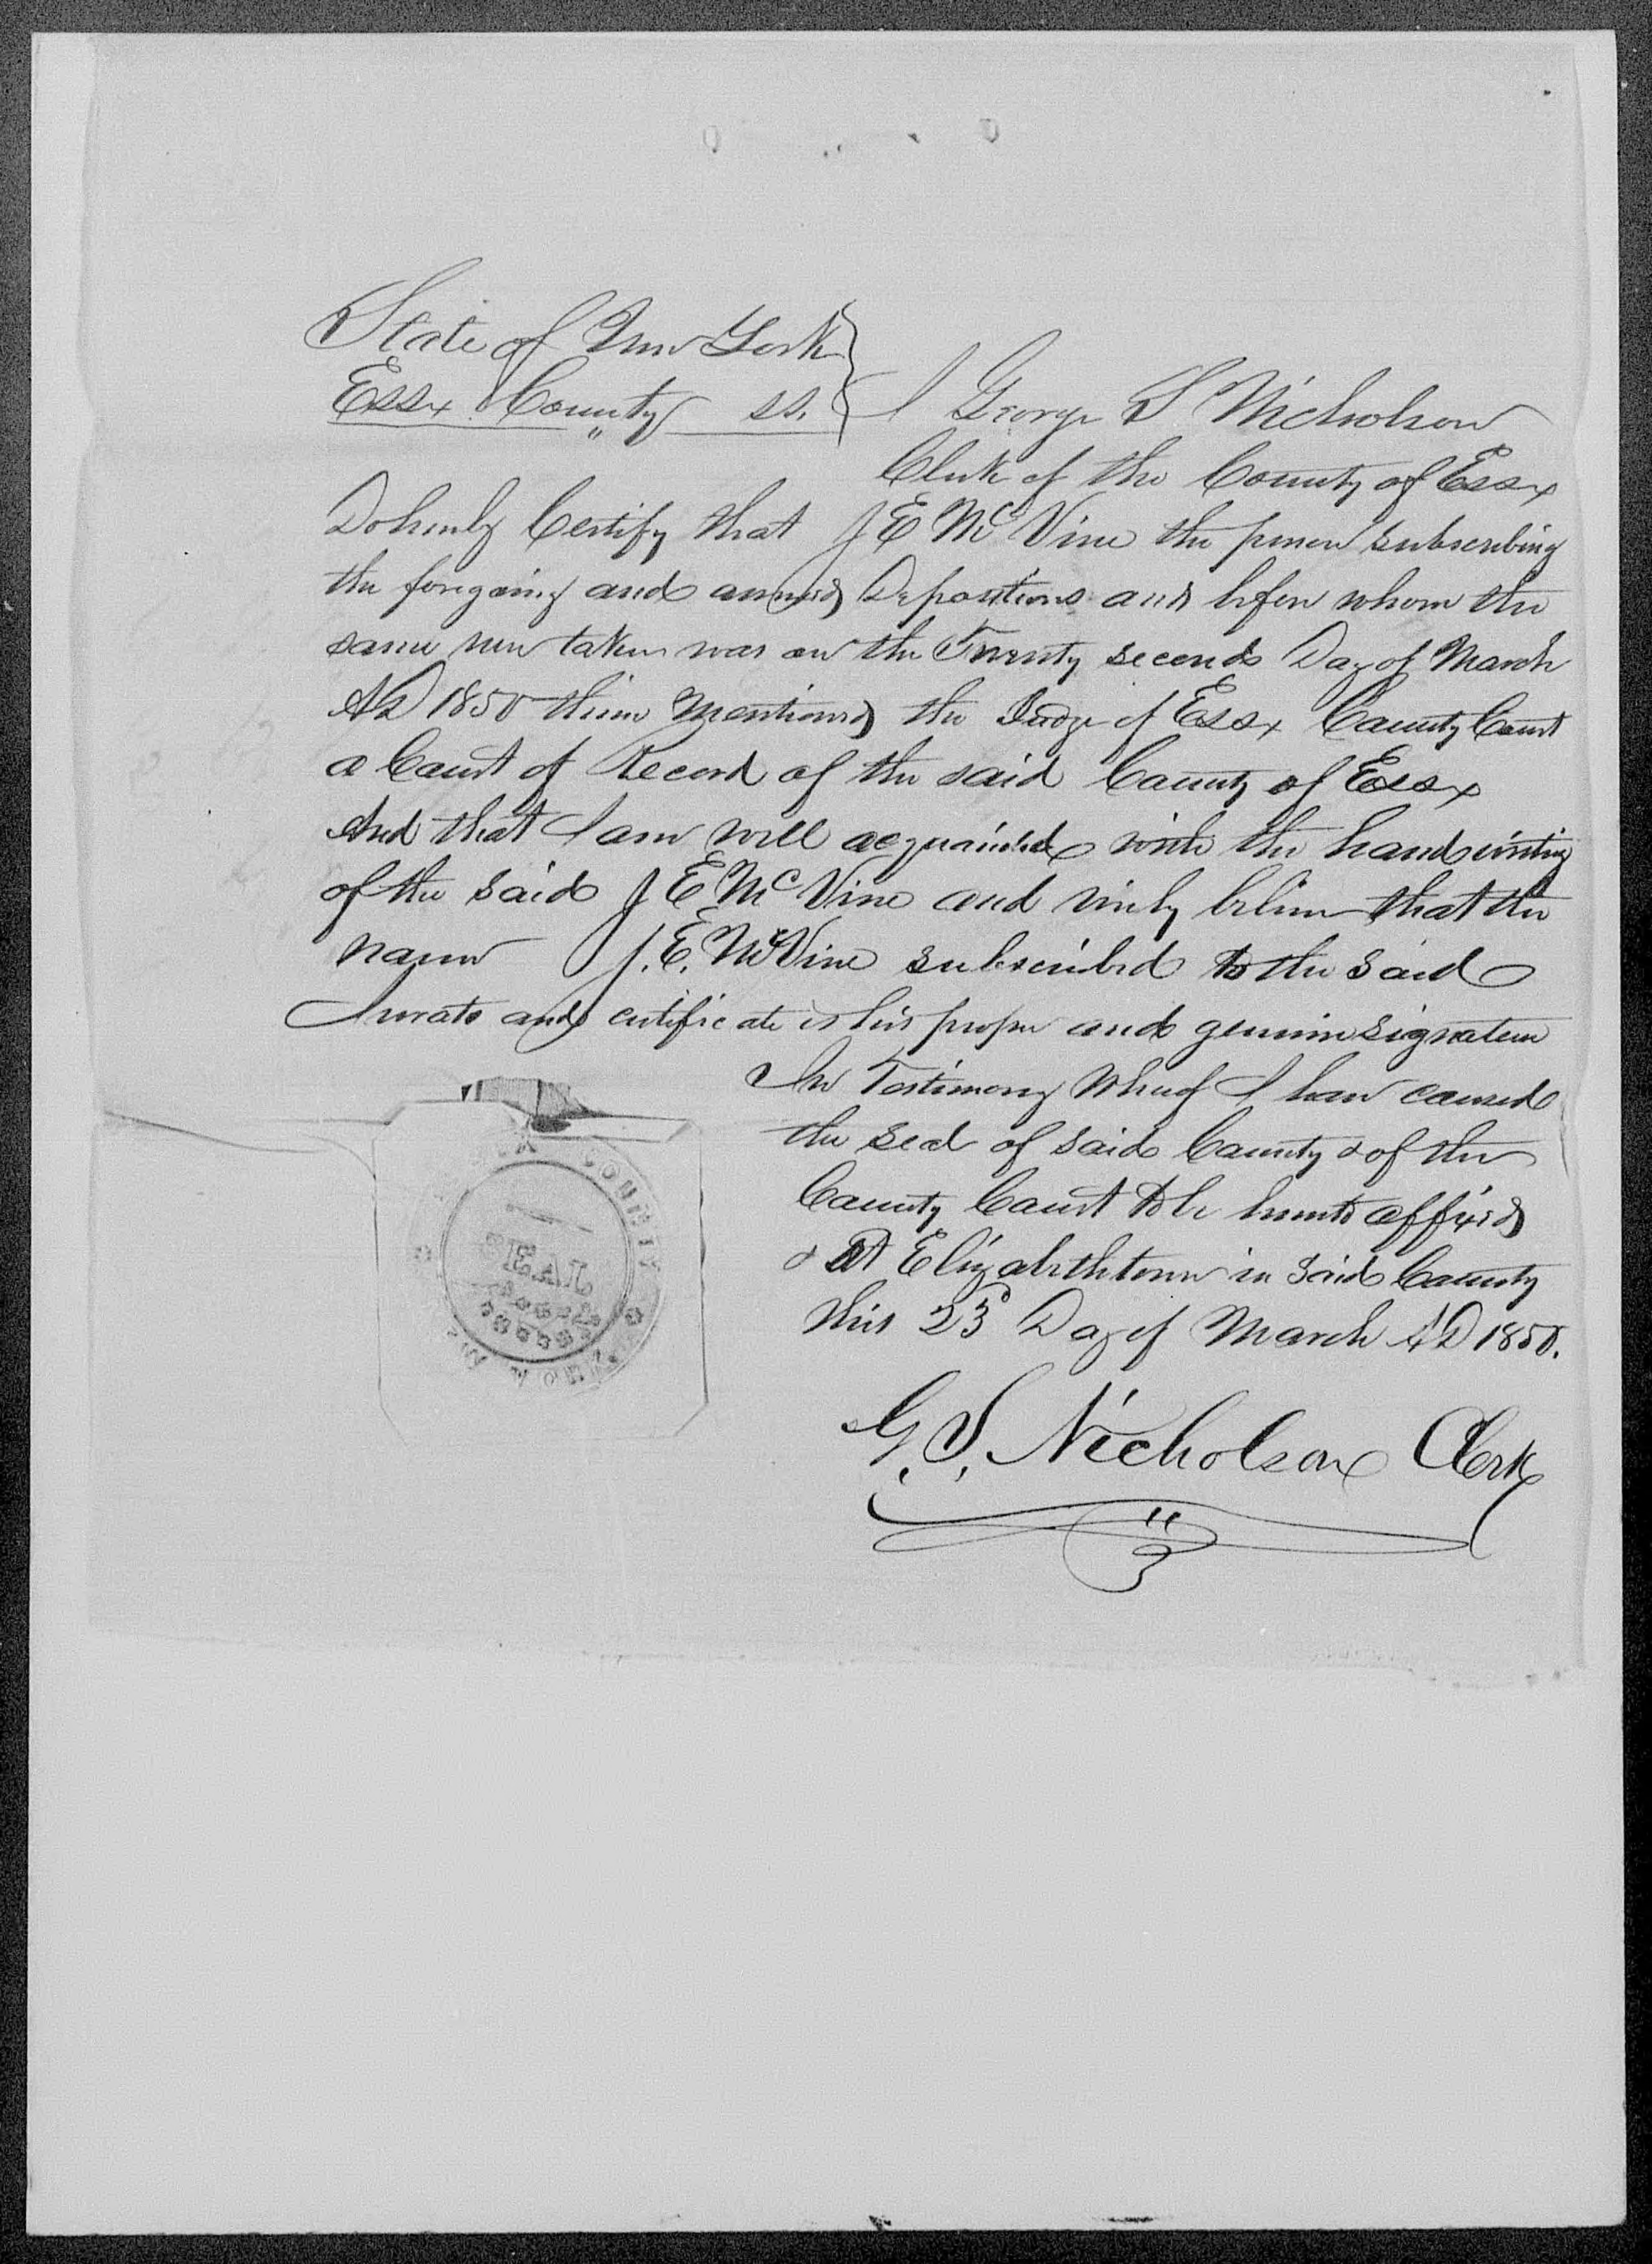State of New York 
Essex County ss. }  I George S. Nicholson Clerk of the County of Essex Do hereby Certify that J E McVine the person subscribing the foregoing and annexed declarations and before whom the same were taken was on the Twenty second day of March AD 1850 therein mentioned the Judge of Essex County Court a Court of Record of the said County of Essex And that I am well acquainted with the hand writing of the said name J E McVine and verily believe that the J.E. McVine subscribed to the said Jurate and certificate is his proper and genuine signature.  
In Testimony whereof I have caused the seal of said County & of the County Court to be hereto affixed at Elizabethtown in said County this 23d Day of March AD 1850. 
G S Nicholson Clerk
[SEAL]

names: G S Nicholson, George S Nicholson, J E Mc Vine, J E Mc Vine, J E Mc Vine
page: 43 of 51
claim: widow's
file: W. 1698, Oliver Barker, Conn.